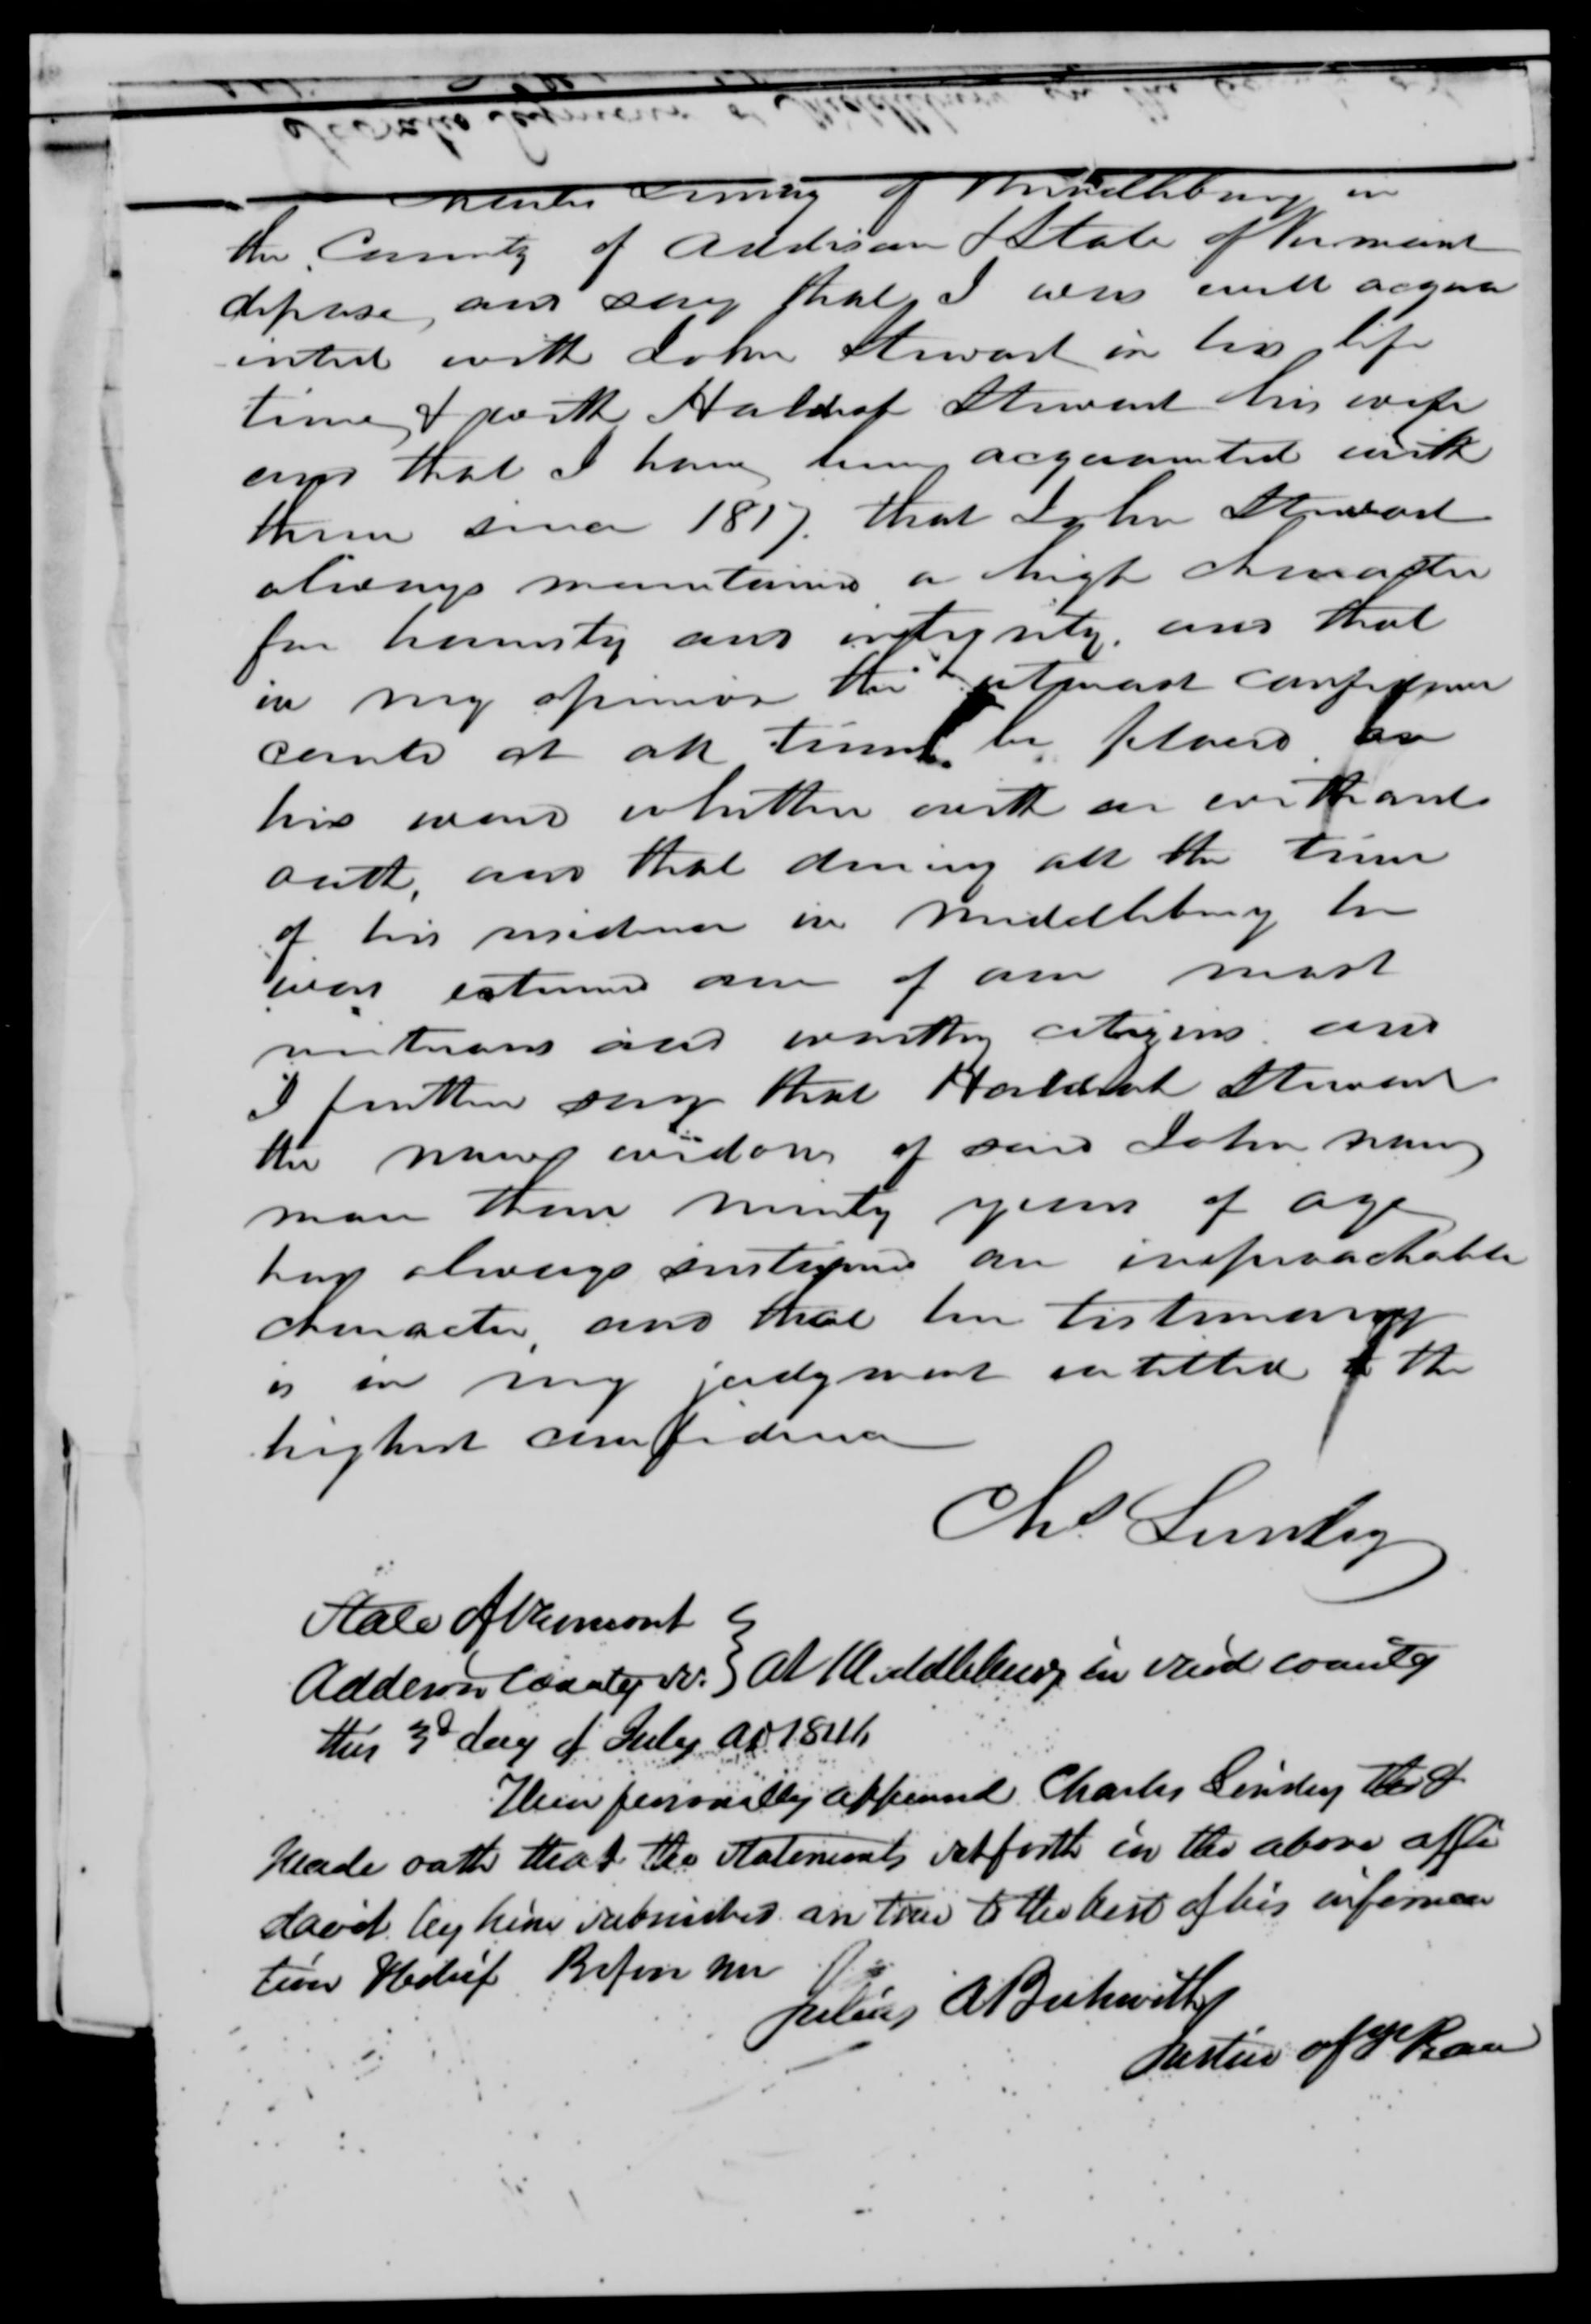inty Sunny of Middlebury in
the County of Addison & State of Vermont
depose and say that I was well acquainted with John Stewart in his life
time & with HuldahStewart his wife
that I have been acquainted with
them since 1817 that John Stewart
along maintained a high character
for honesty and integrity, and that
in my opinion the
and confirmed
[illegible] at all time be placed on
his word whether oath on earth and
oath, and that during all the time
of his reside in Middlebury in
was entered and of a most
[illegible] and worthy citizens and
I further say that Huldah Stewart the
now widow of said John Stewart then ninety years of age
has always sustained an irreproachable
character and that her testimony
is in my judgment entitled the
highest confidence
[Signature] Chs Lundy

State of Vermont 
Addison County.  At Middlebury in said County
this 3d day of July AD 1846
Then personally appeared Charles Sinsley
made oath that the statements at forth in the above affidavit by him subscribed an true to the best of his information [illegible]
 Before me [Signature] Julius A Beckwith
Justice of the Peace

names: Julius A Beckwith; Charles Sinsley; John Stewart; Huldah Stewart; Huldah Stewart; John Stewart; John [BLANK]; Charles Sinsley; Chs Sinsley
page: 19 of 26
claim: rejected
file: R. 10,154, for John Stewart, New Hampshire